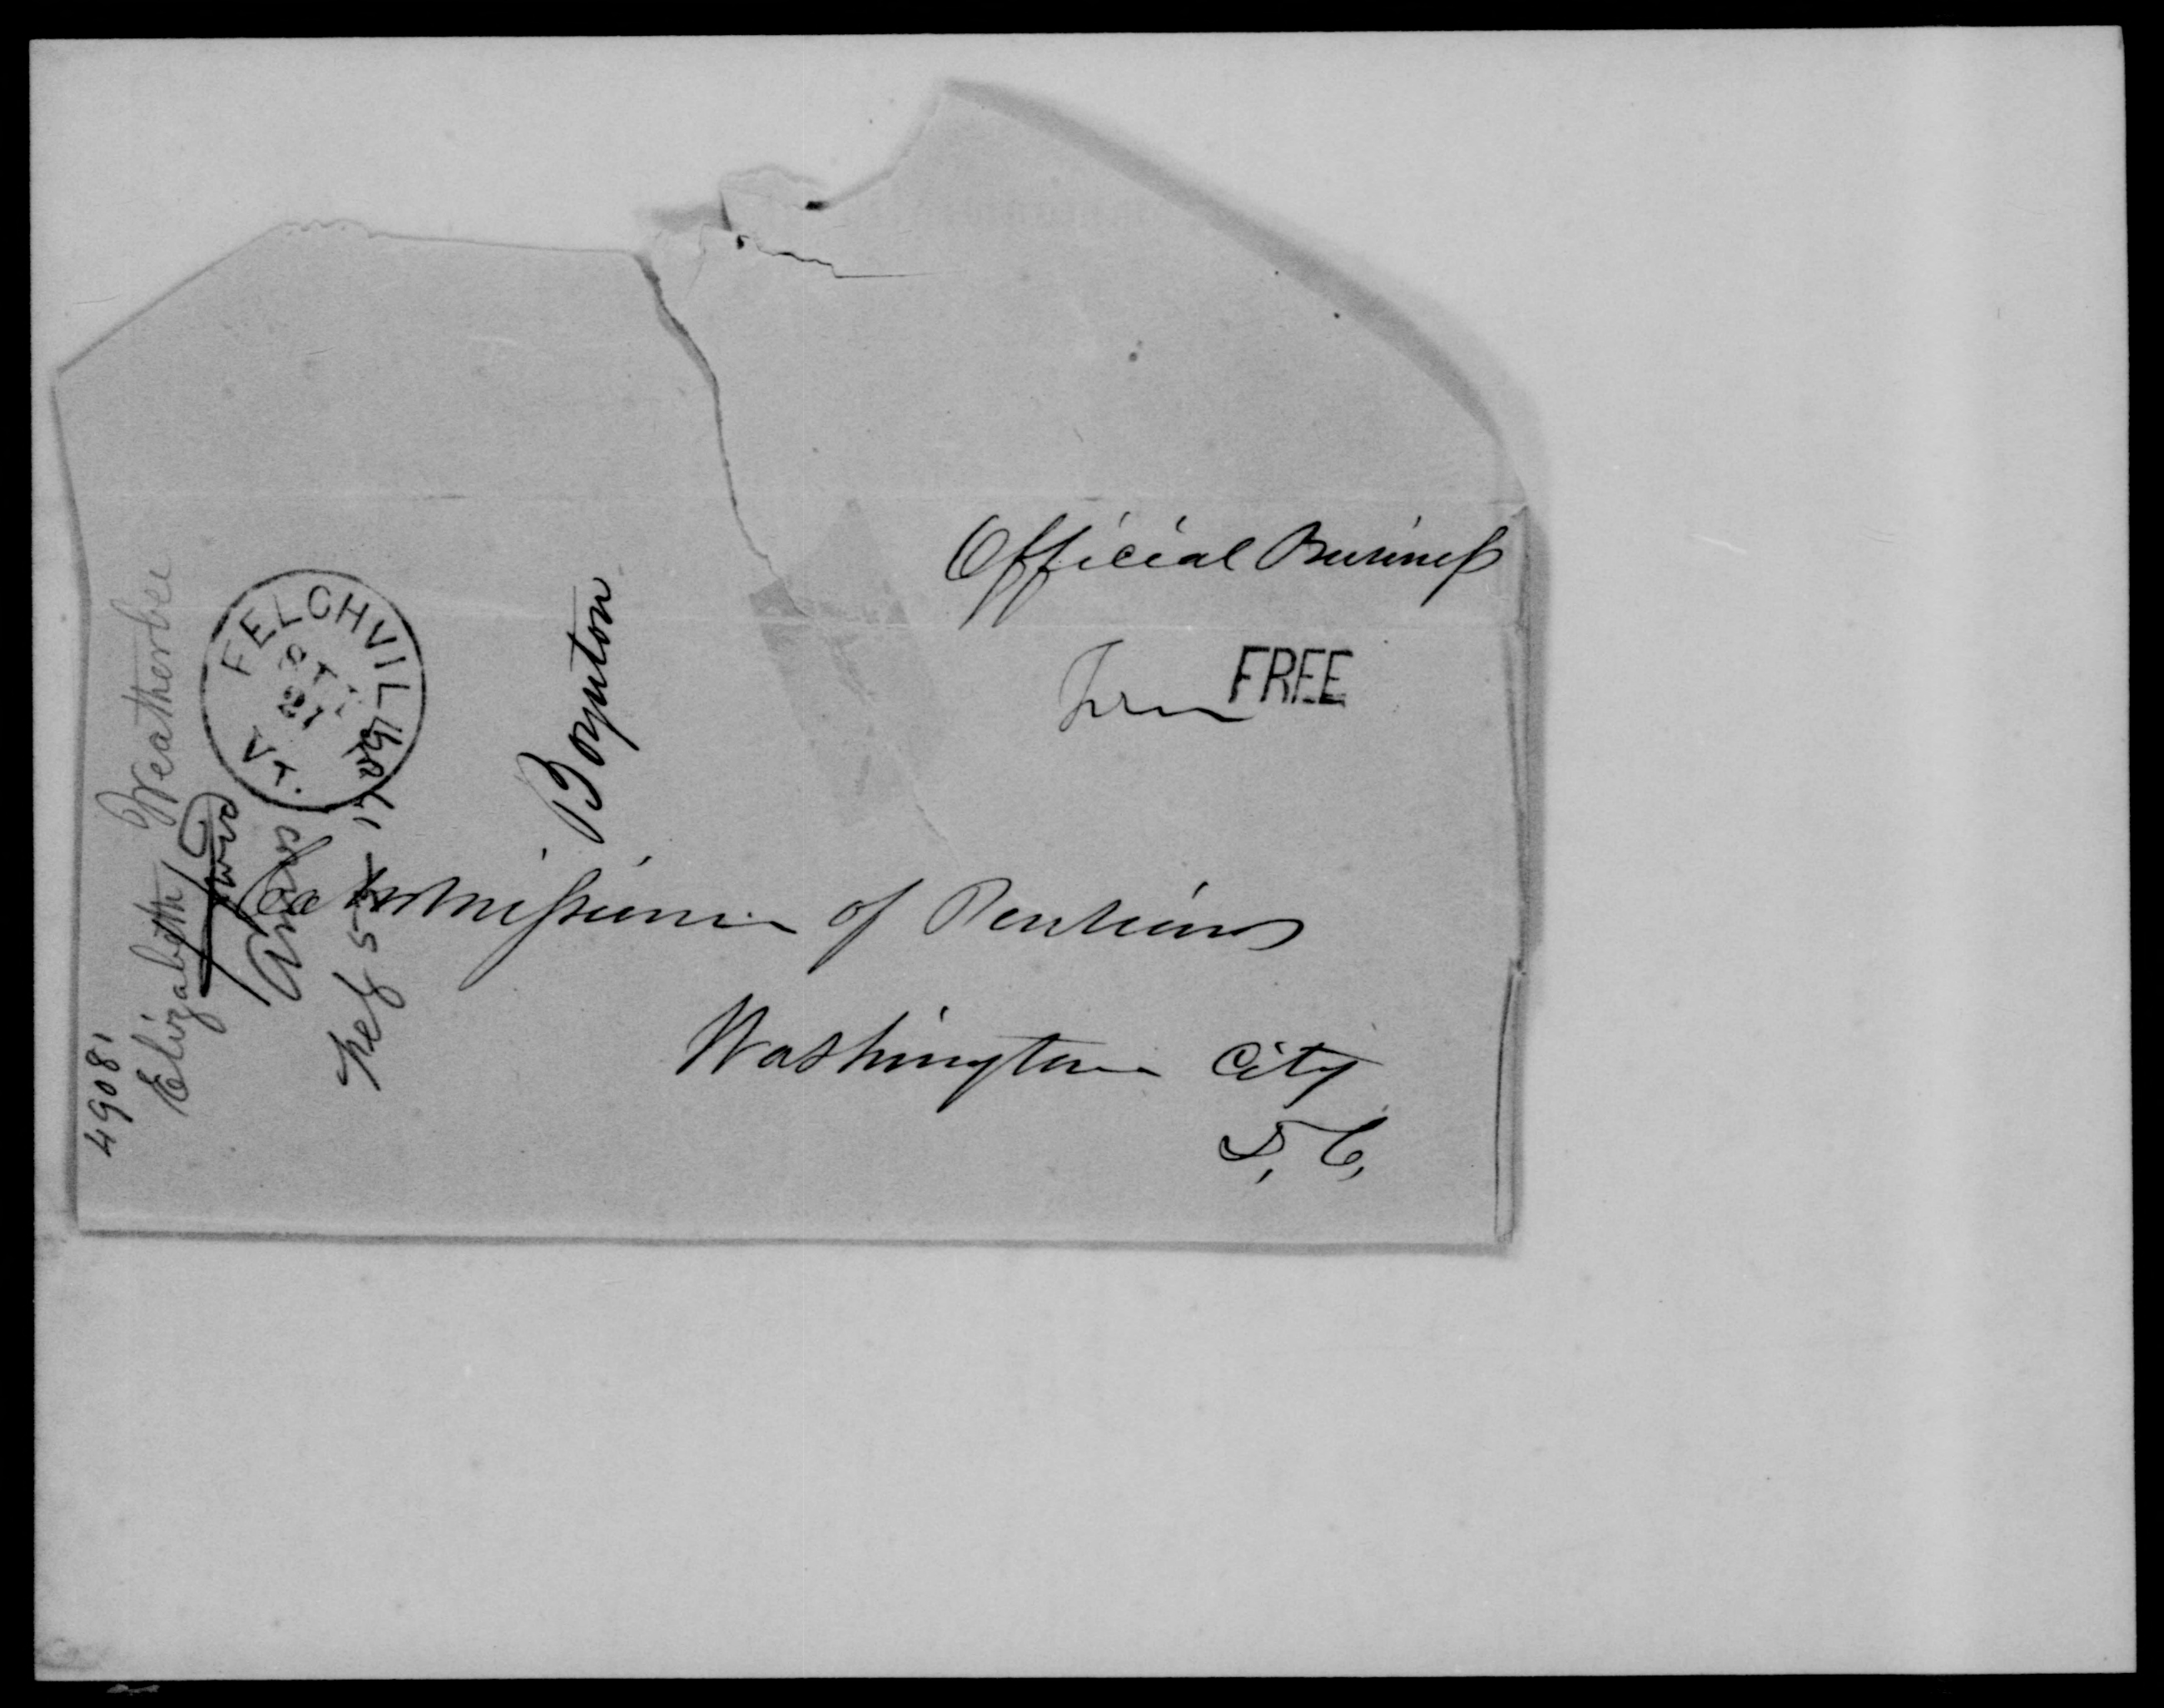Official Business
FREE
Commissioner of Pensions
Washington City D. C.

Post Mark-Felchville Vt Sep 27

(notations)
49081 Elizabeth Weatherbee
widow Amos
Feby 53
Boynton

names: Elizabeth Weatherbee, Boynton, Amos Weatherbee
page: 63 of 66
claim: widow's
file: W. 2468, Amos Wetherbee, Mass.